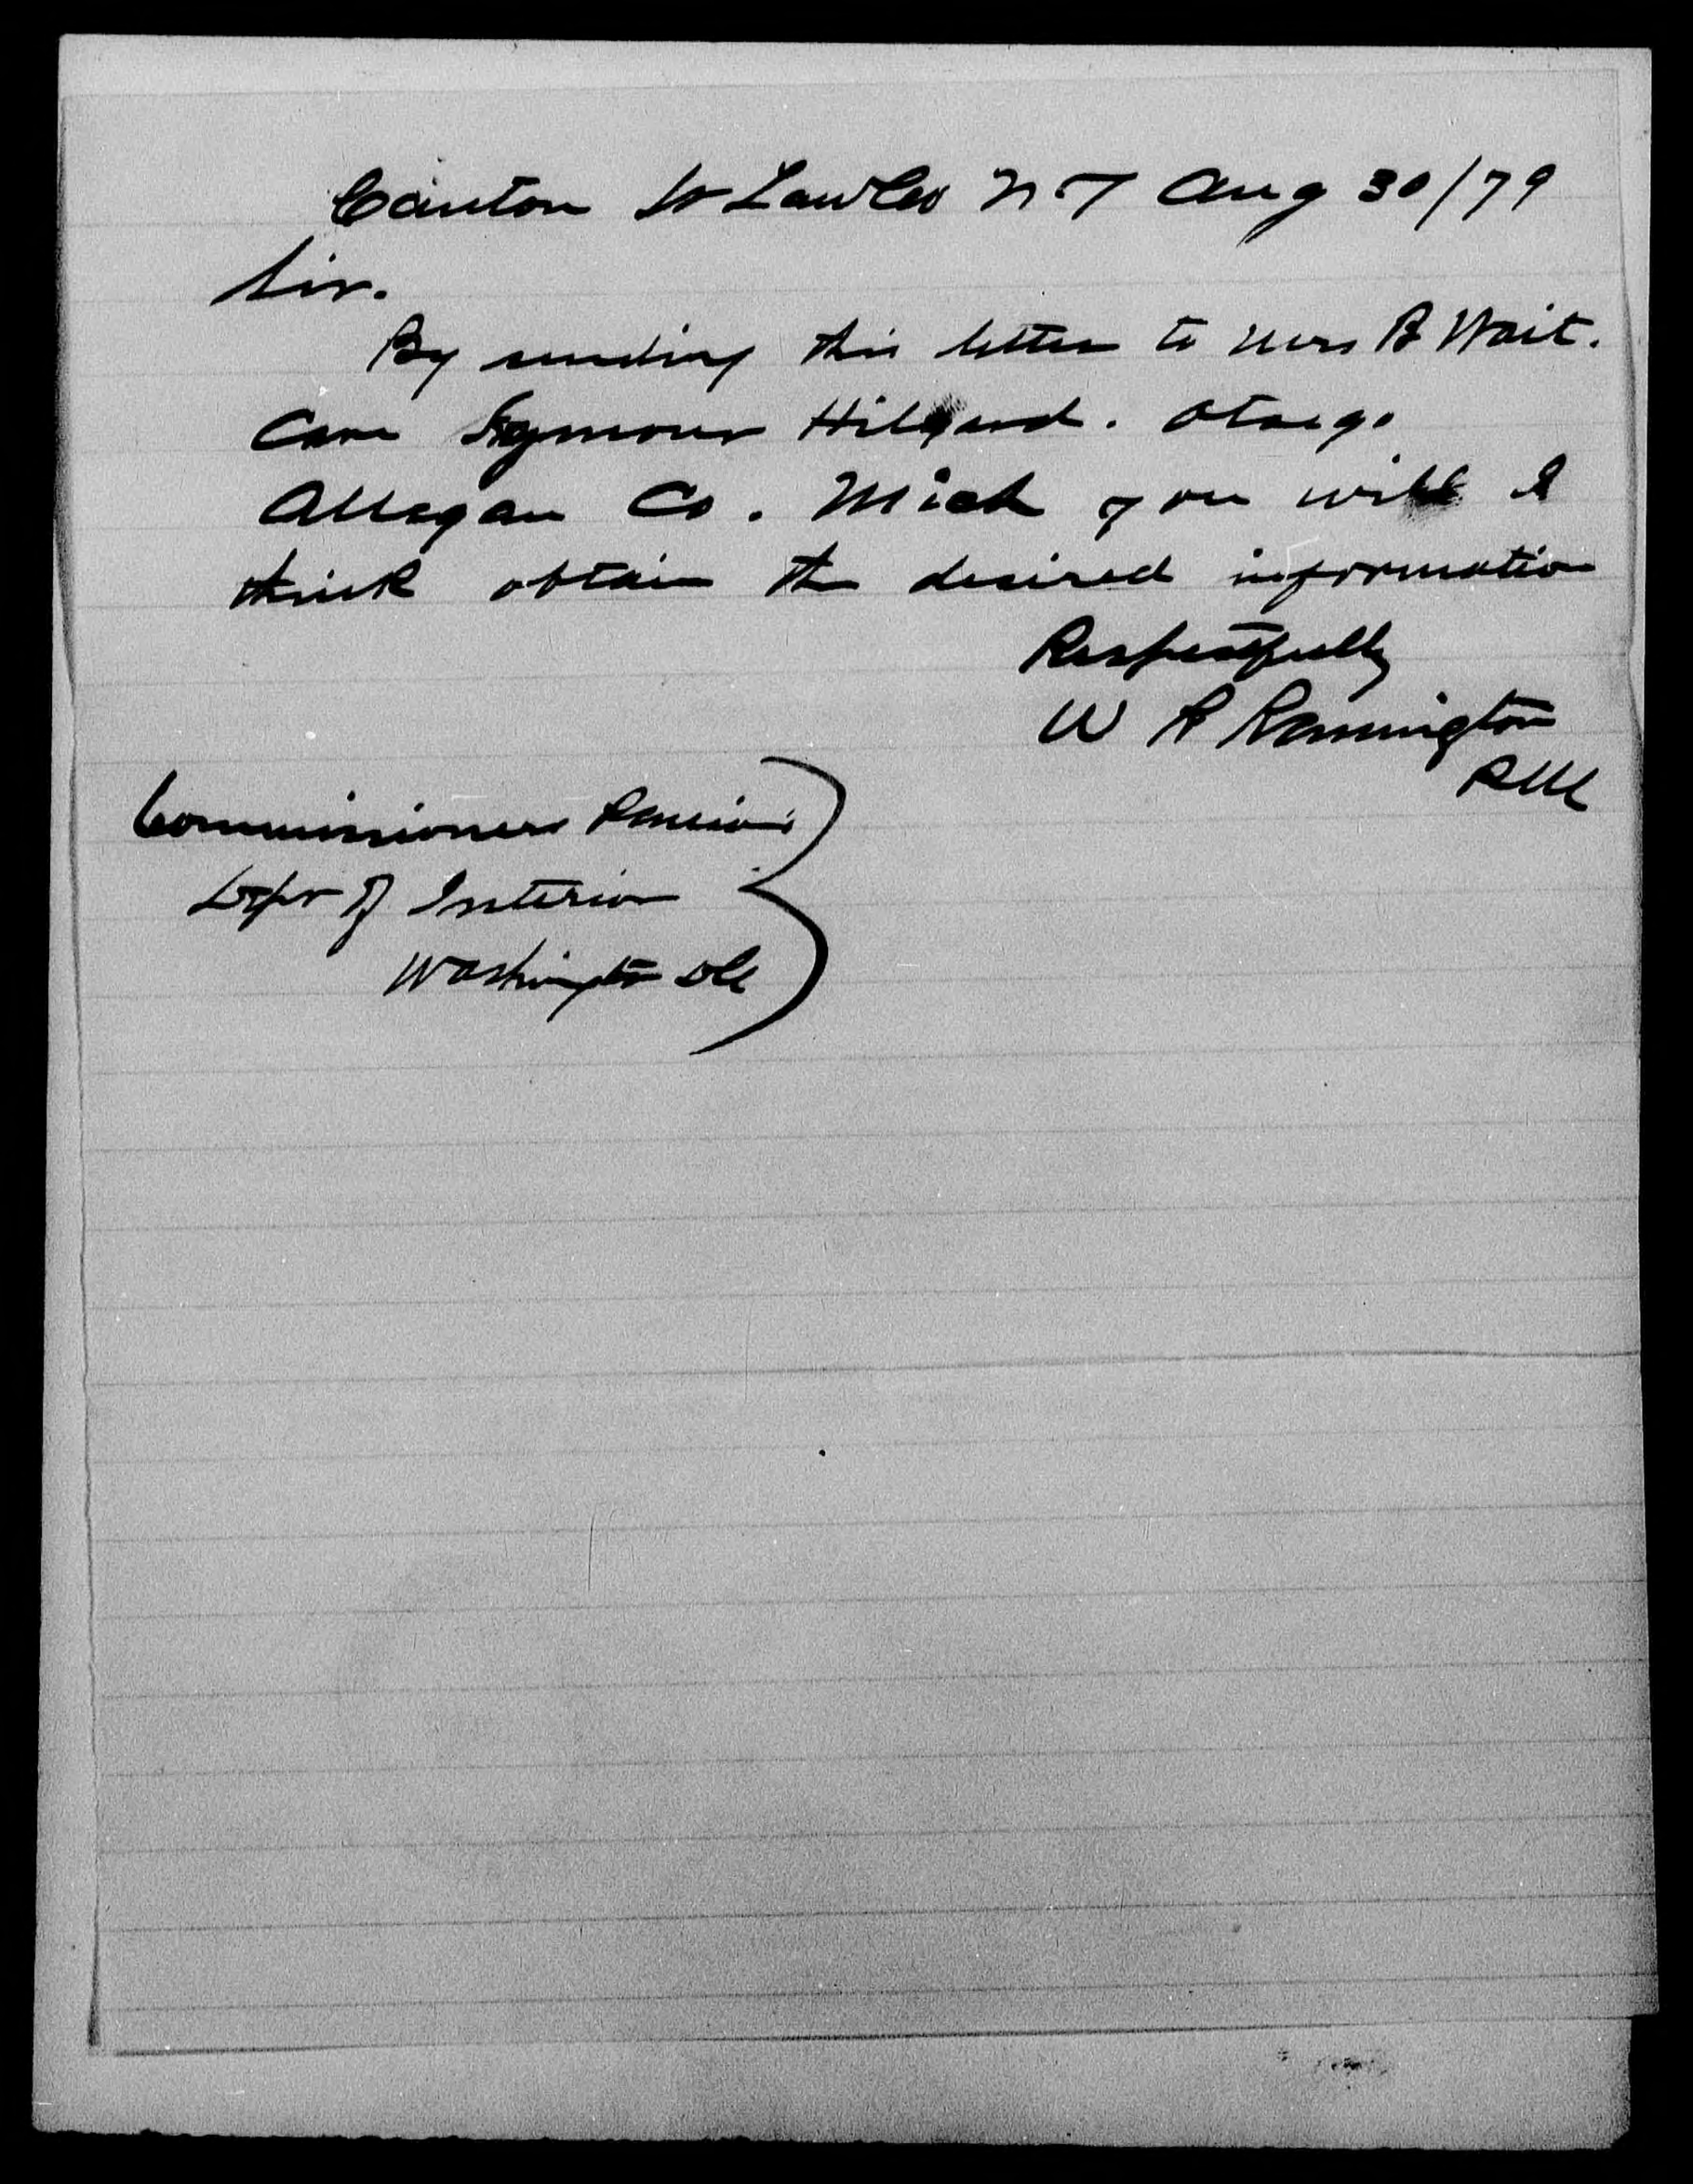Canton St Lawren NY Aug 30/79
Sir.
By sending this letter to Mrs B Wait. Can Seymour Hilgard Otsego Allegan Co. Mich you will I think obtain the desired information
Respectfull
W.R. Ranington
RW


Commissioner Pensions
Dept of Interior
Washington DC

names: Seymour Hilyard, W R Ranington, Canton W Lawler, B Wait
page: 27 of 79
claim: widow's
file: W. 23754, Justus Byington, Conn.